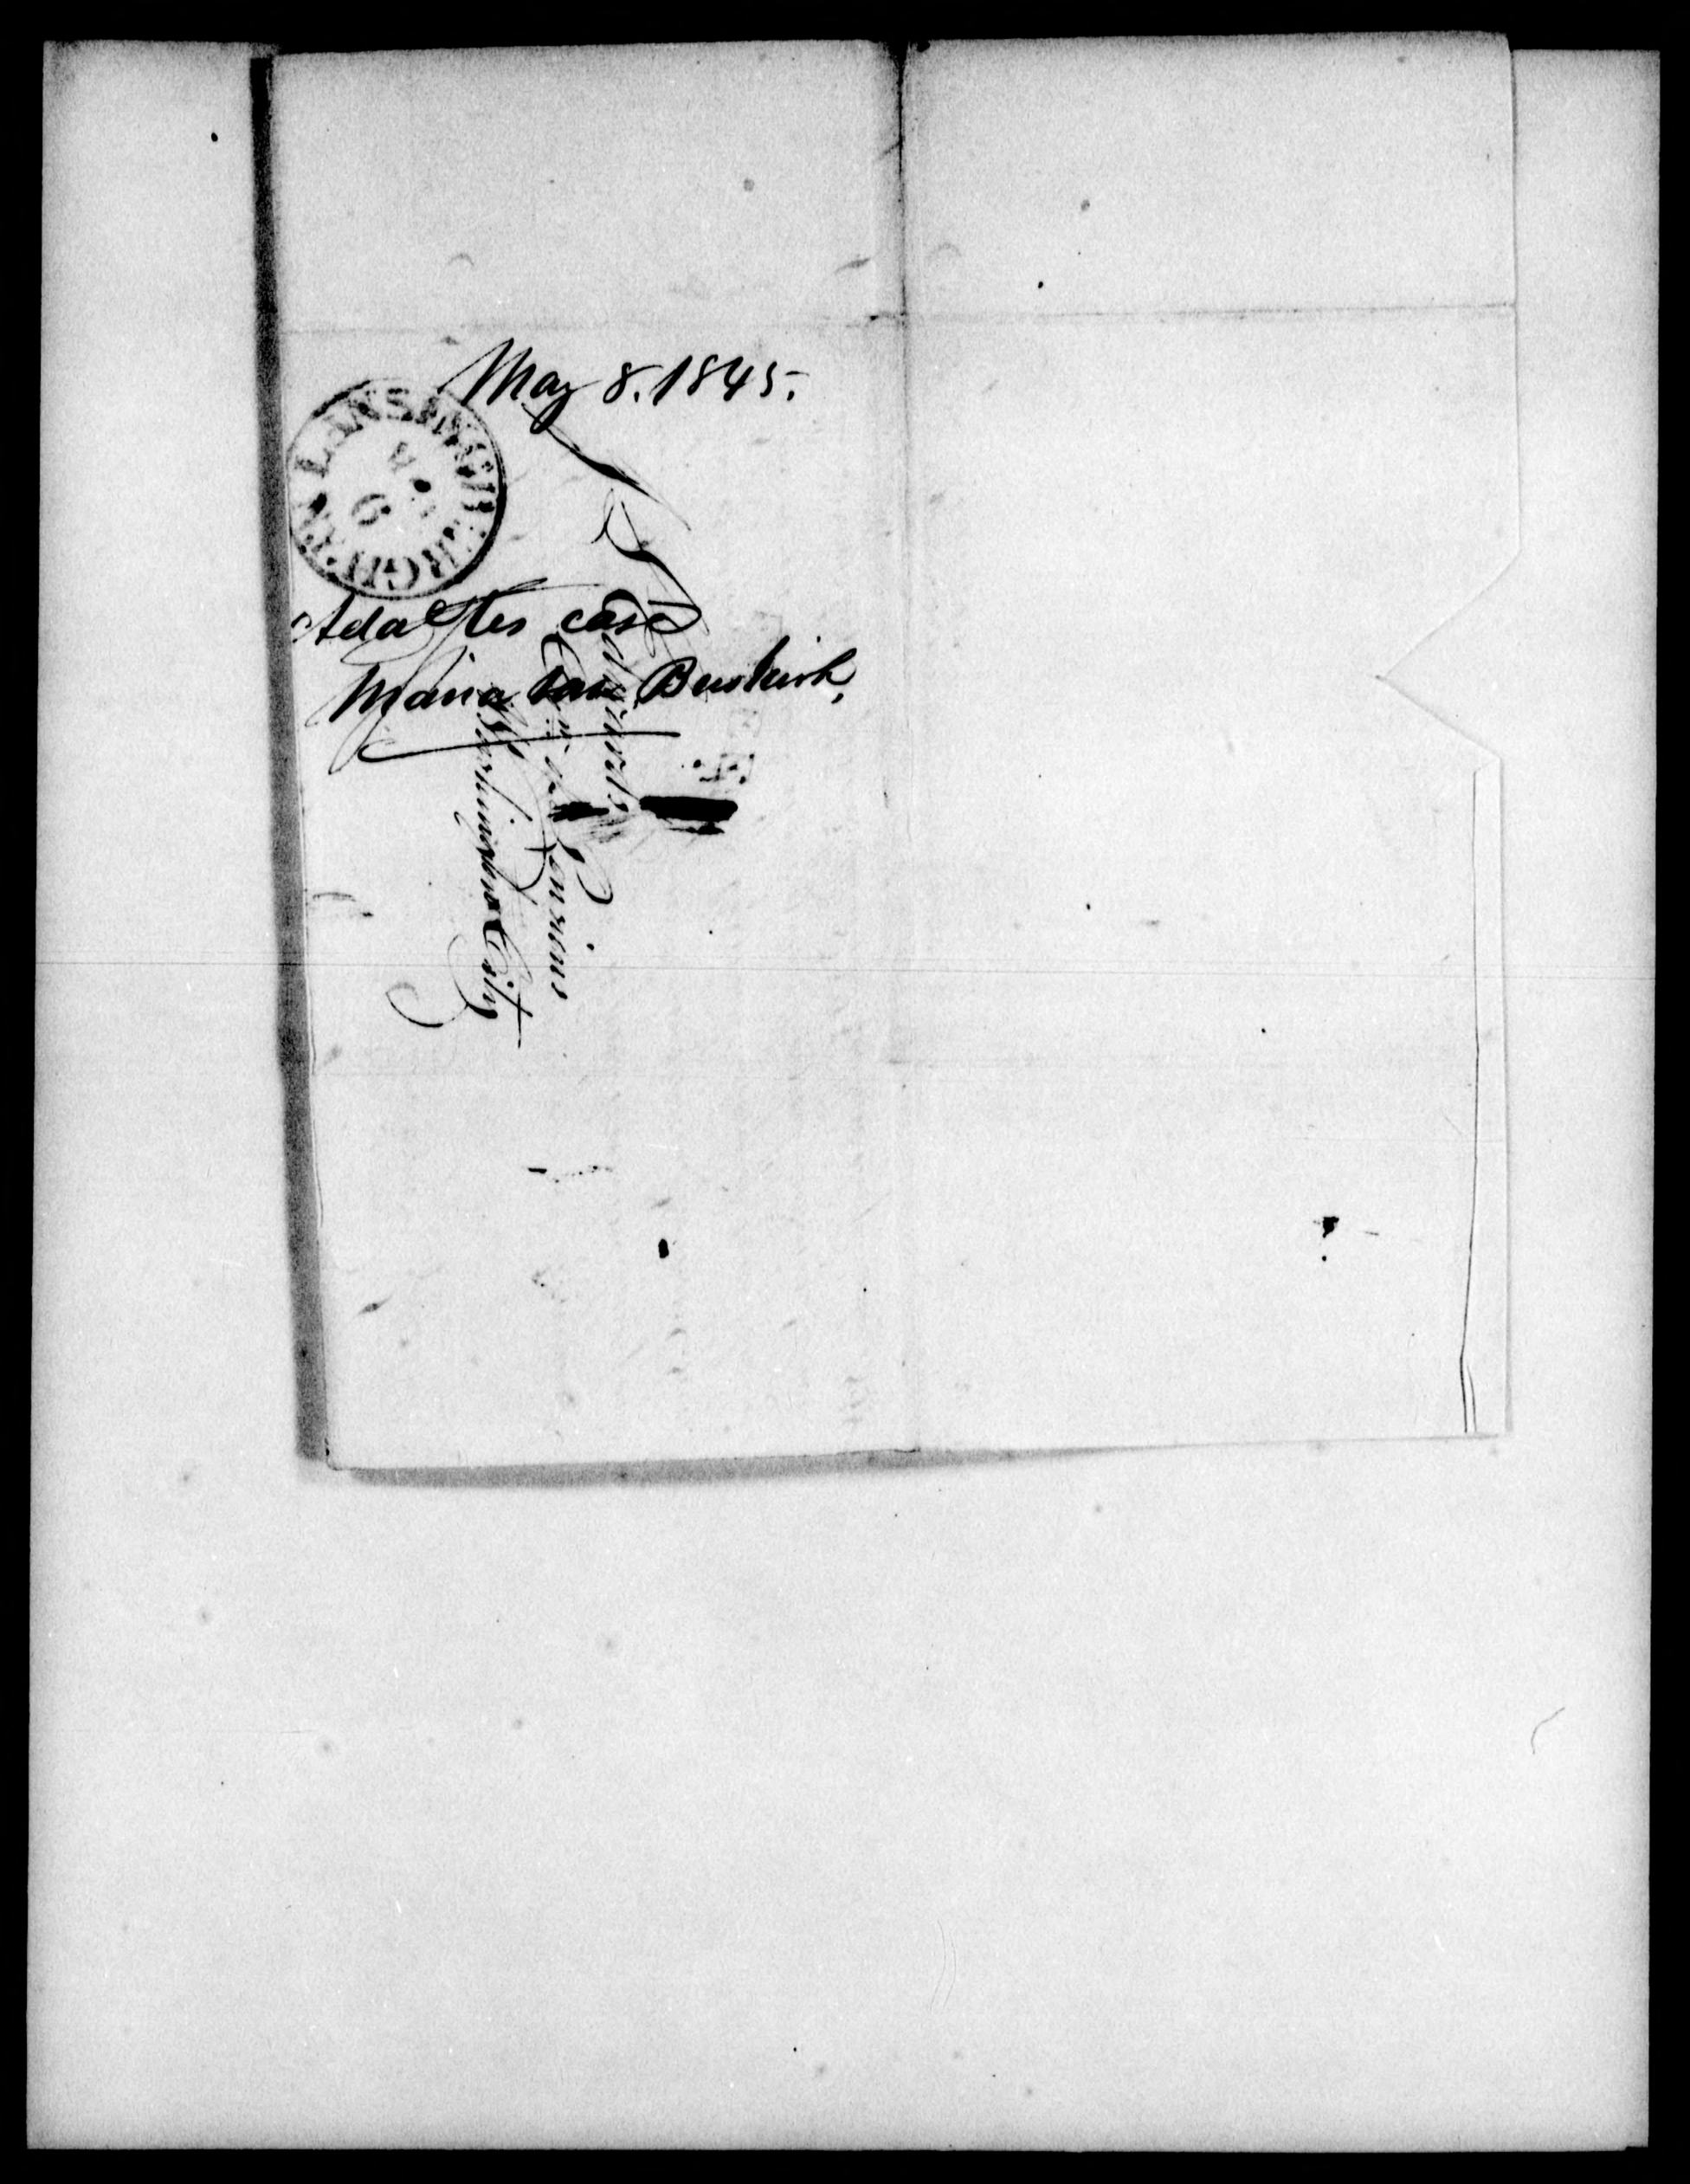[several areas of text, some written horizontally, vertically, or over one another]

[written horizontally]
May 8. 1845.
[Adaltes?] case Maria Van Buskirk [name is underlined]

[written vertically]
J. L. Edwards
Commissioner of Pensions
Washington City

[round stamp on top left side of page]
LANSINGBURGH
MAR 6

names: J L Edwards, Maria Van Buskirk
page: 33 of 70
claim: rejected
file: R. 10,832, Martin Van Buskirk, New York.